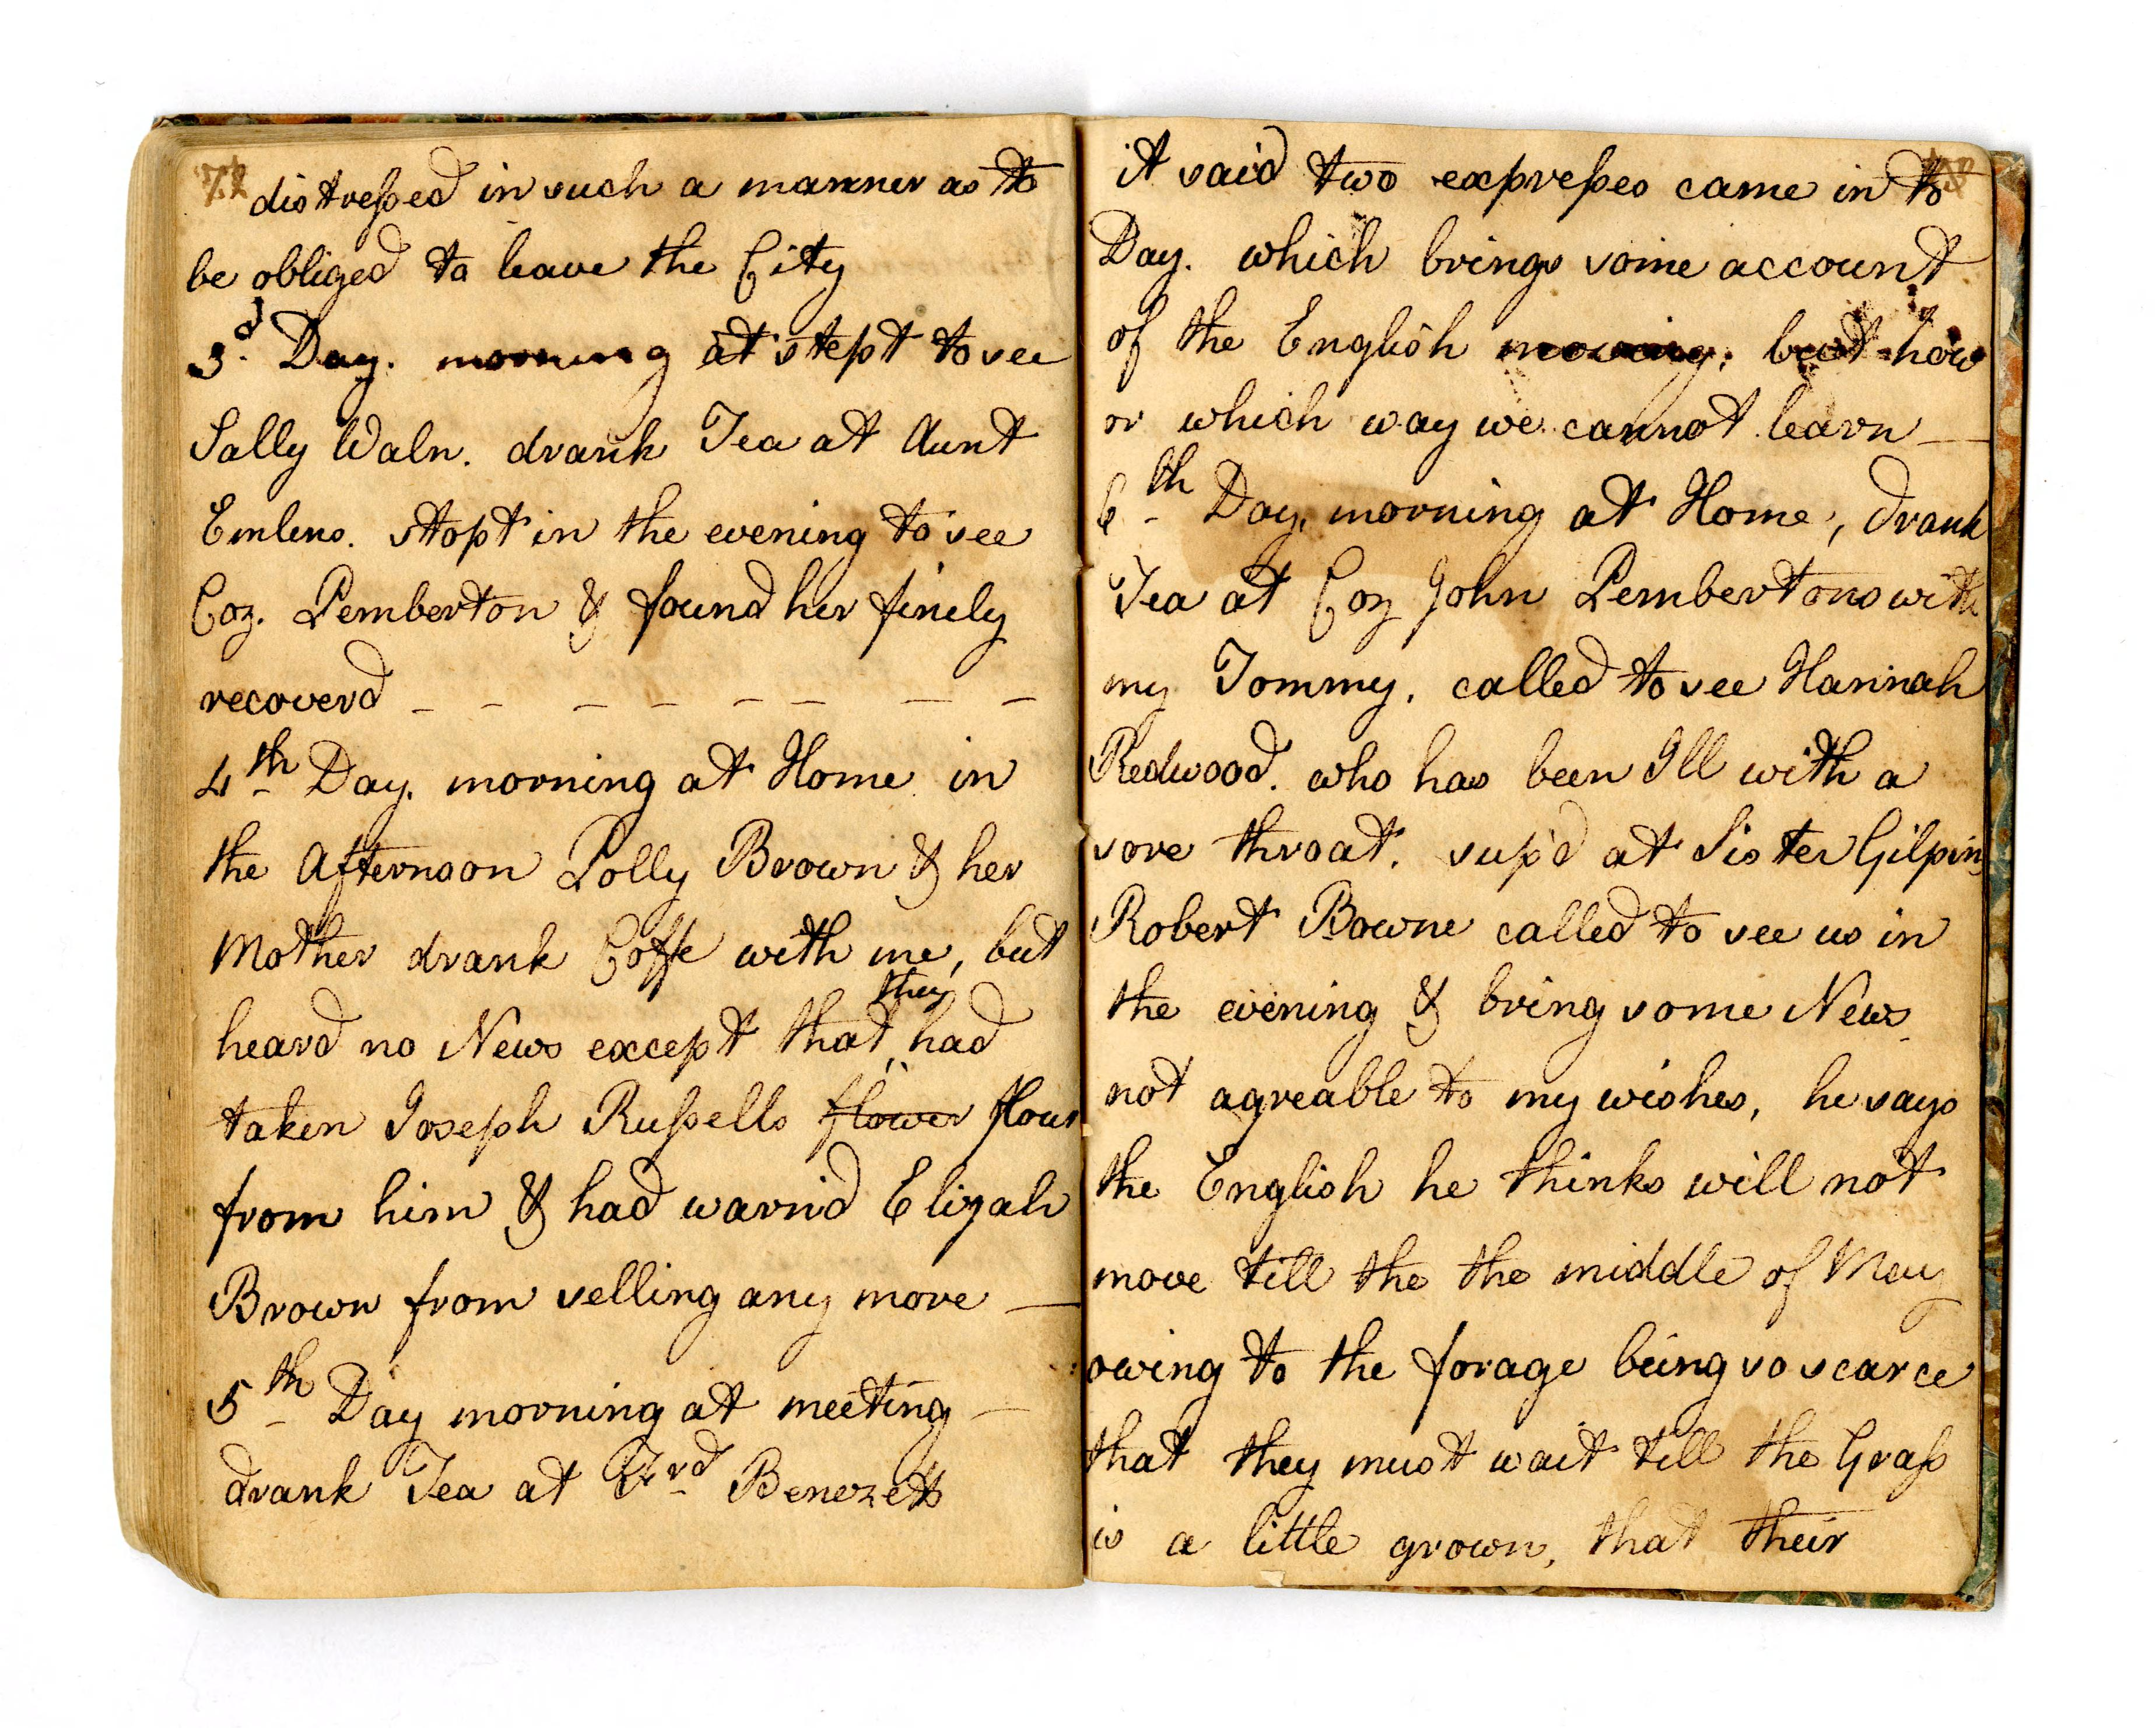distressed in such a manner as to
be obliged to leave the City
3^d. Day. morning [at] stept to see
Sally Waln. drank Tea at Aunt
Emlans. stopt in the evening to see
Coz. Pemberton & found his finely
recoverd-
4^th Day. morning at Home in
the Afternoon Polly Brown & her
Mother drank Coffe with me, but
they
heard no News except that ^ had
taken Joseph Russells [flower] flour
from him & had warn'd Elijah
Brown from selling any more -
5^th Day morning at meeting
drank Tea at F^rd Benezetts
it said two expresses came in to 3
Day. which being some account
of the English [meeting]; but how
or which way we cannot learn-
6^th Day, morning at Home, drank
Tea at Coz John Pembertons with
my Tommy, called to see Hannah
Redwood. who has been Ill with a
sore throat. sup'd at Sister Gilpins
Robert Bowne called to see us in
the evening & bring some News,
not agreable to my wishes, he says
the English he thinks will not
move till the the middle of May
owing to the forage being so scarce
that they must wait till the Grass
is a little grown, that their